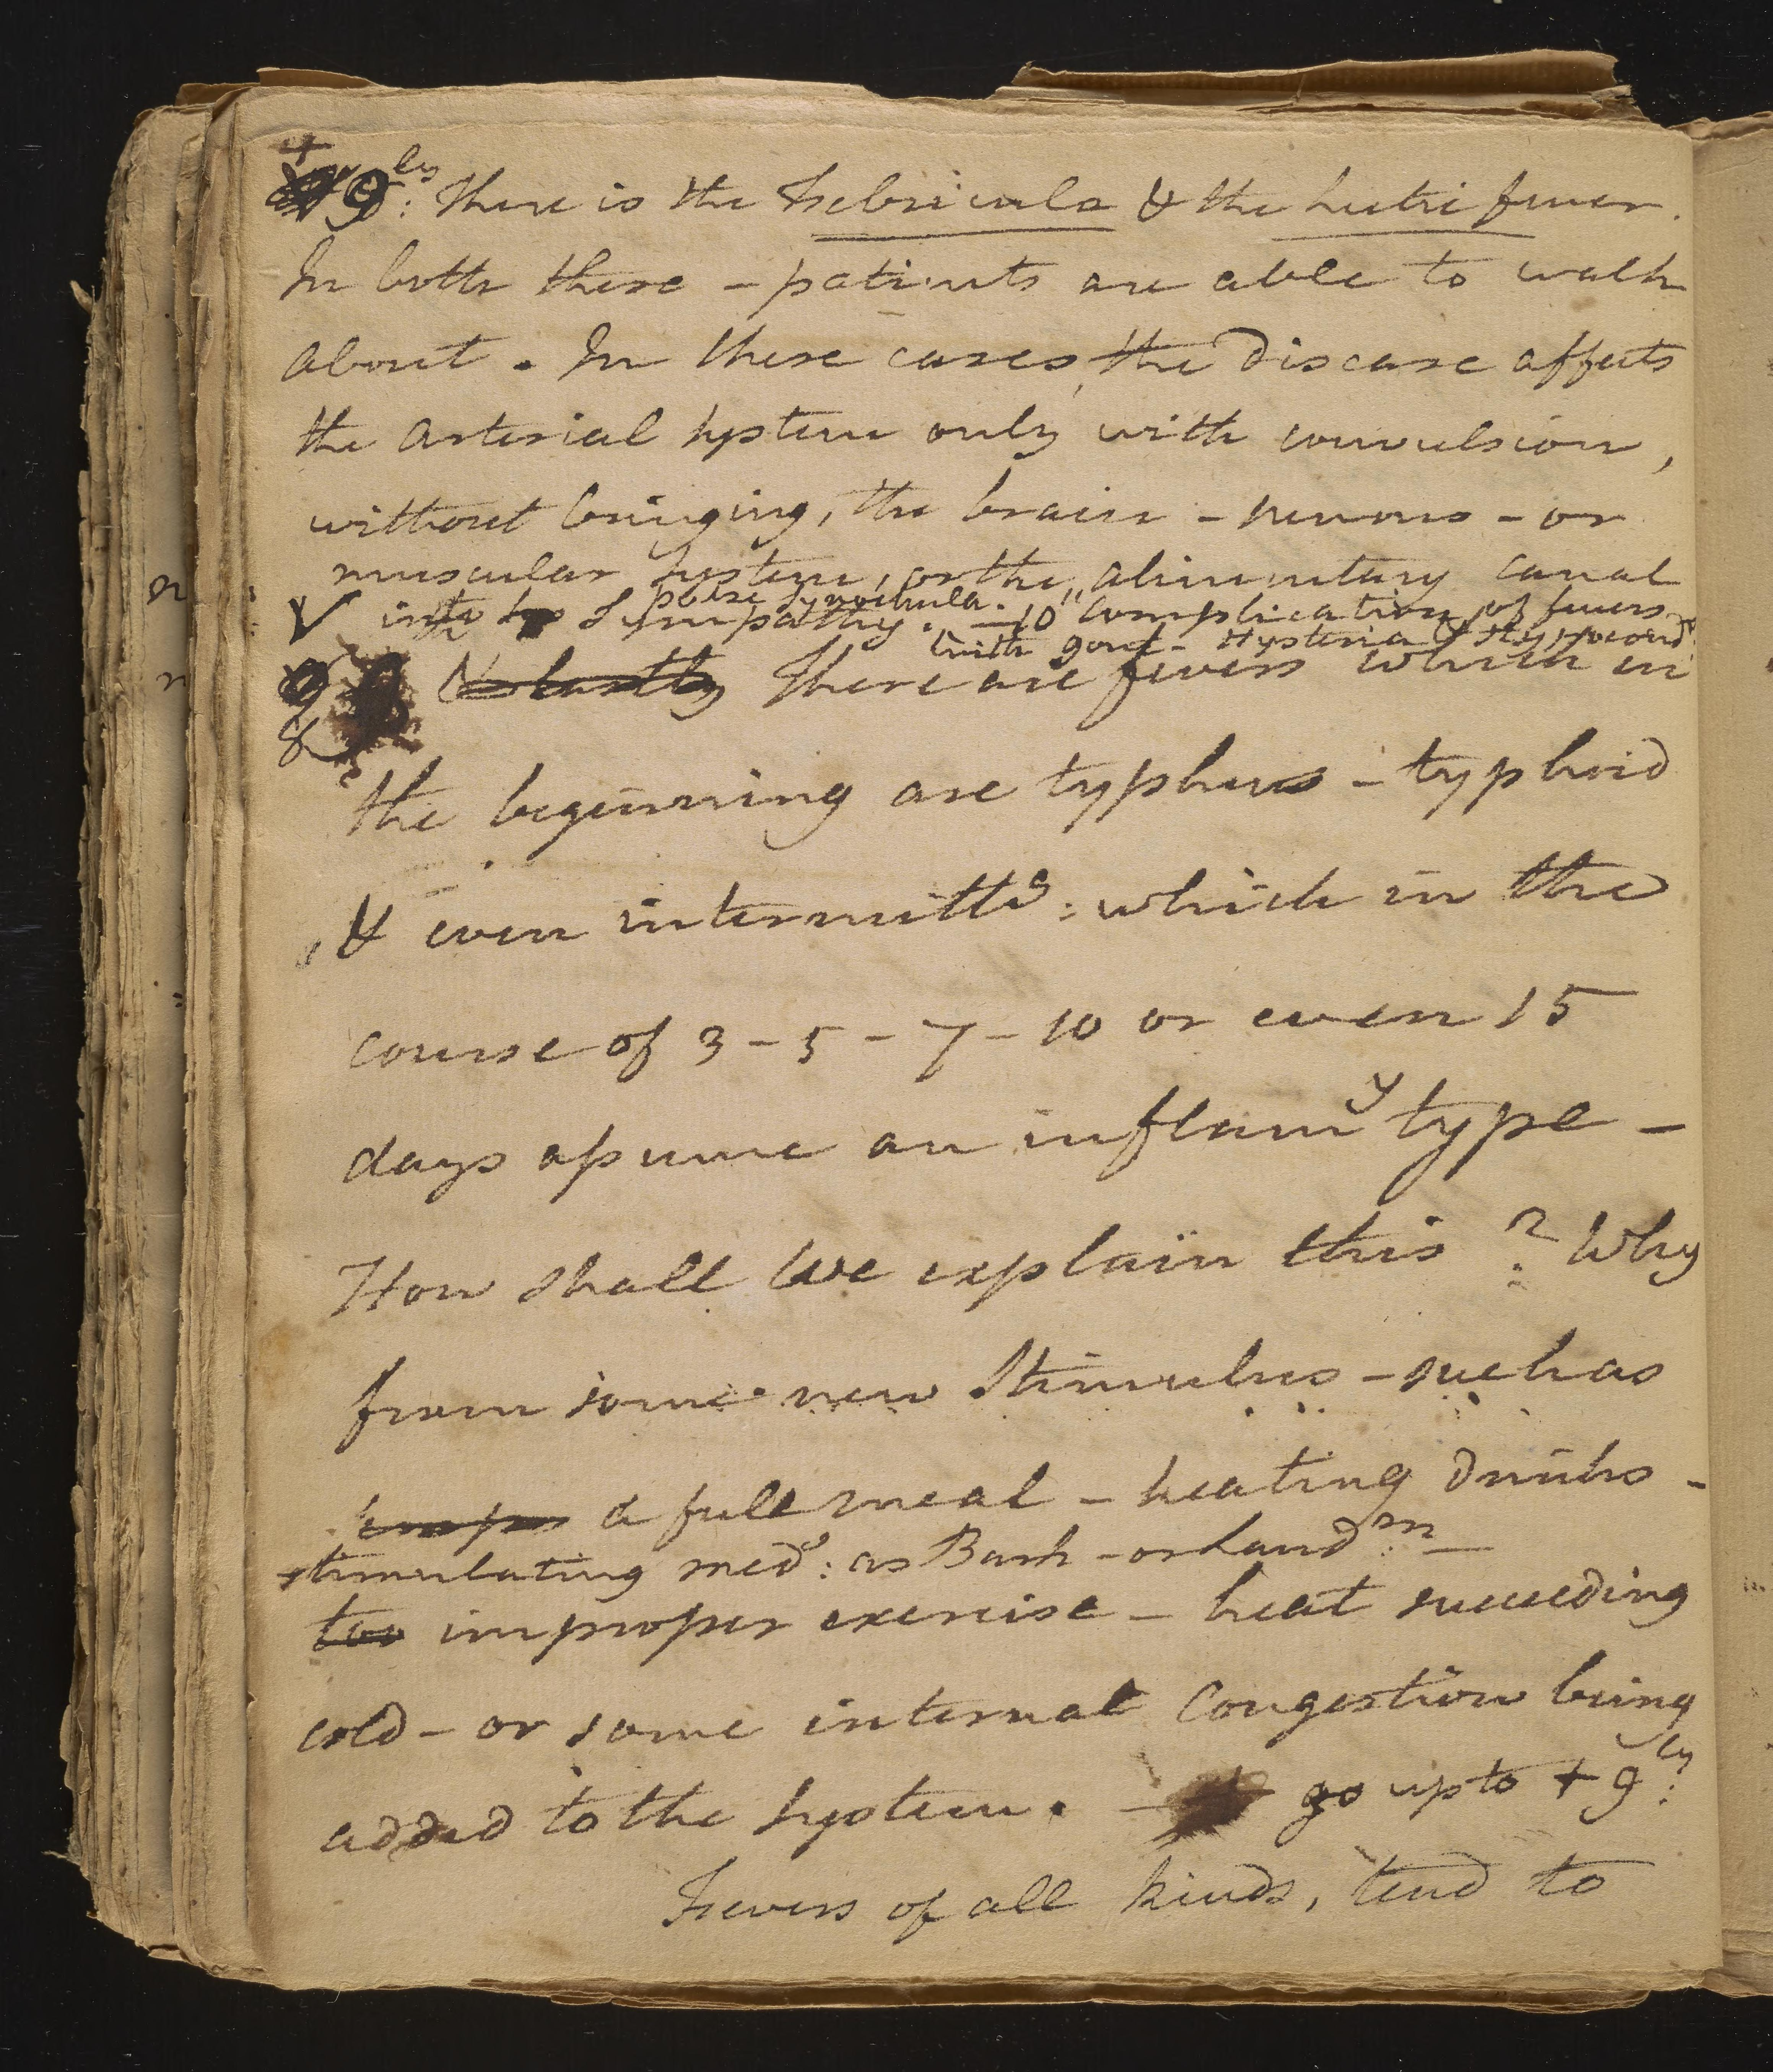9^ly: There is the Febricals & the hectic fever
In both there, patients are able to walk
about. In these cases the disease affects
the arterial system only with convulsions
without bringing, the brain- nerves- or
muscular system, or the alimentary canal
pulse Synomea
V into Sympathy. 10 Complications of fevers
with gout, hysteria, & hypocond^
There are fevers which in
the beginning are typhus, typhoid
& even intermitt^g which in the
course of 3-5-7-10 or even 15
days assure an inflam^y type.
How shall we explain this? Why
from some new Stimulus has
[temper] a full meal- heating drinks,
stimulating med^g as Bark, or Land^on
[too] improper exercise, heat succeeding
cold- or some internal congestion being
added to the System. go up to +9^ly
Fevers of all kinds, tend to